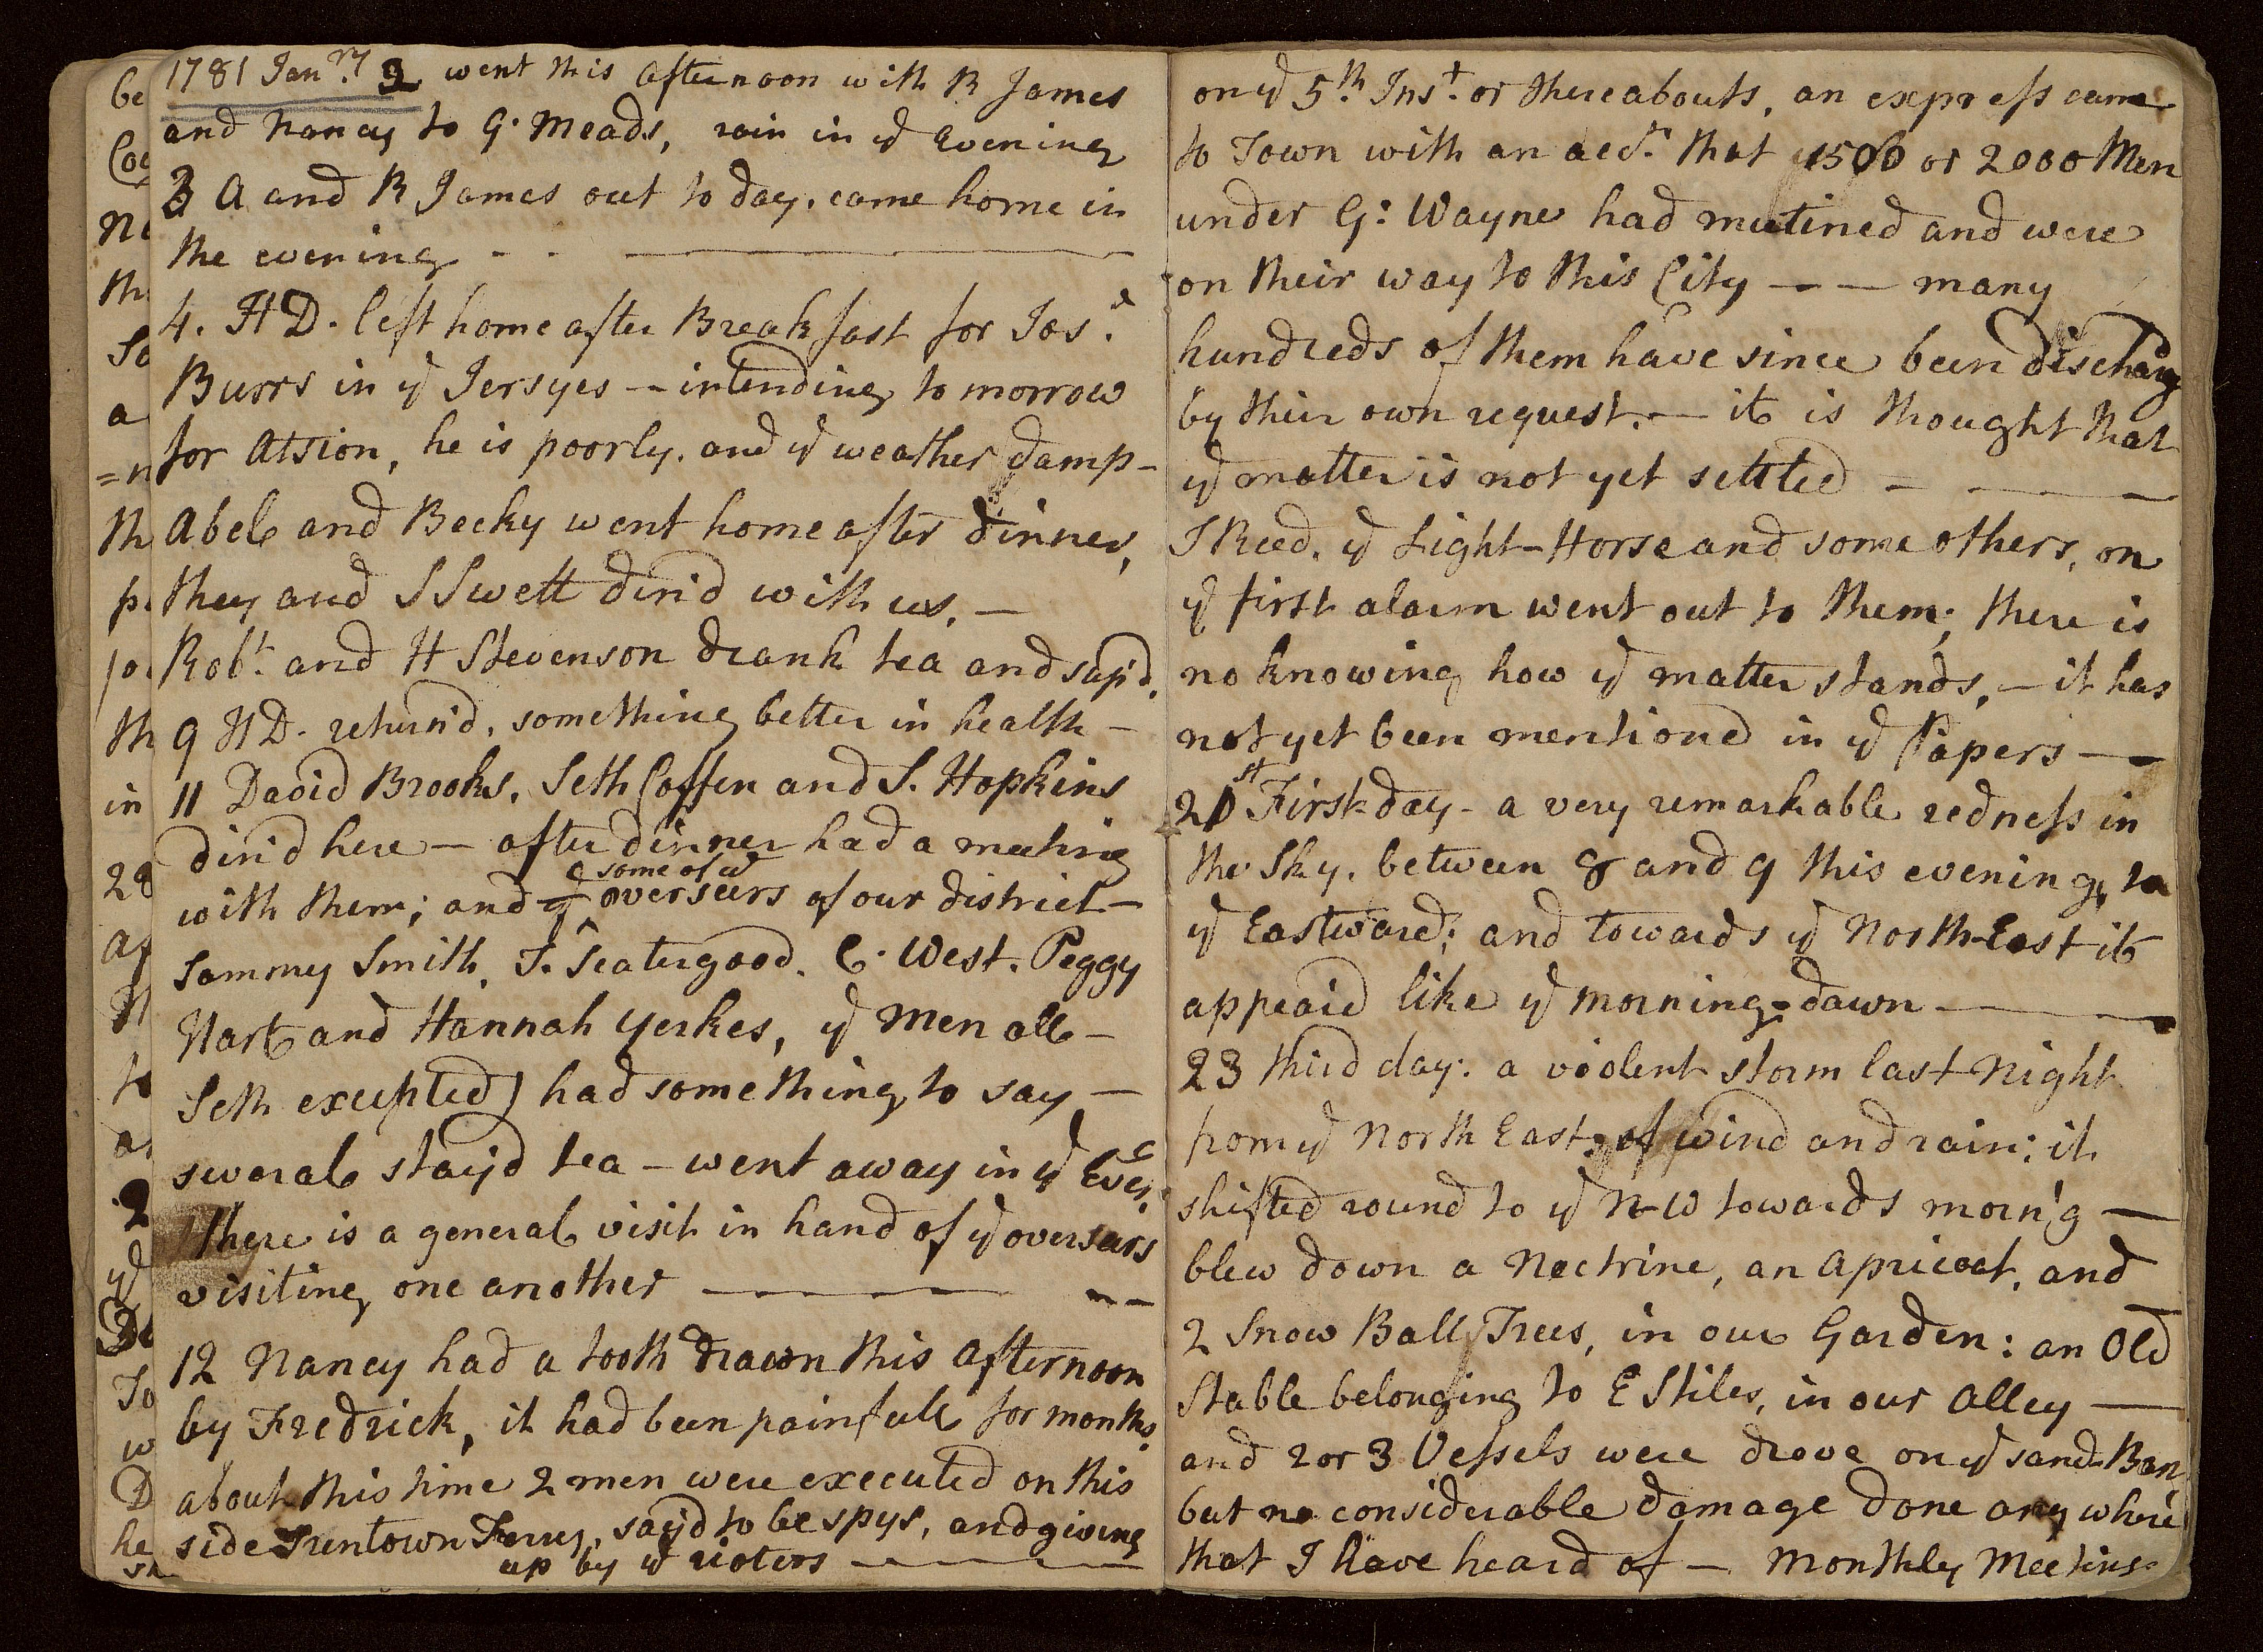1781 Jan^ry. 2 went this afternoon with R James
and Nancy to G. Meads, rain in y^e Evening
3 A and R James out to day, came home in
the evening-
4. HD. left home after Breakfast for Jos.^a
Burrs in y^e Jersyes-- intending to morrow
for Atsion, he is poorly, and y^e weather damp-
Abel and Becky went home after dinner,
they and S Swett din'd with us,-
Rob^t. and H Stevenson drank tea and sup'd.
9 HD- return'd, something, better in health-
11 David Brooks, Seth Coffen and S. Hopkins
din'd here- after dinner had a meeting
some of [u^s]
with them; and y^e overseers of our district-
Sammy Smith, T. Scatergood, C. West, Peggy
Hart and Hannah Yerkes, y^e Men all-
Seth excepted) had something to say-
several stay'd tea- went away in y^e Even.^g
there is a general visit in hand of y^e overseers
visiting one another-
12 Nancy had a tooth drawn this afternoon
by Fredrick, it had been painfull for months
about this time 2 men were executed on this
side Trentown Ferry, say'd to be spys, and giving
up by y^e rioters-
on y^e 5^th. Ins^t. or thereabouts, an express came
to Town with an acc^t. that 1500 or 2000 Men
under G: Wayne had mutined and were
on their way to this City--- many
hundreds of them have since been discharg^d
by their own request.- it is thought that
y^e matter is not yet settled--
J Reed, y^e Light-Horse and some others, on
y^e first alarm went out to them; there is
no knowing how y^e matter stands,- it has
not yet been mentiond in y^e Papers-
21^st First day- a very remarkable redness in
the Sky, between 8 and 9 this evening, to
y^e Eastward; and towards y^e Norht-East it
appear'd like y^e morning-dawn-
23 third day: a violent storm last Night
from y^e North East: of wind and rain; it
shifted round to y^e NW towards morn'g-
blew down a Nectrine, an apricoat and
2 Snow Ball Trees, in our Garden: an OW
Stable belonging to E Stiles, in our alley-
and 2 or 3 Vessels were drove on y^e sand-Bar
but no considerable damage done any where
that I have heard of- monthly meetimg